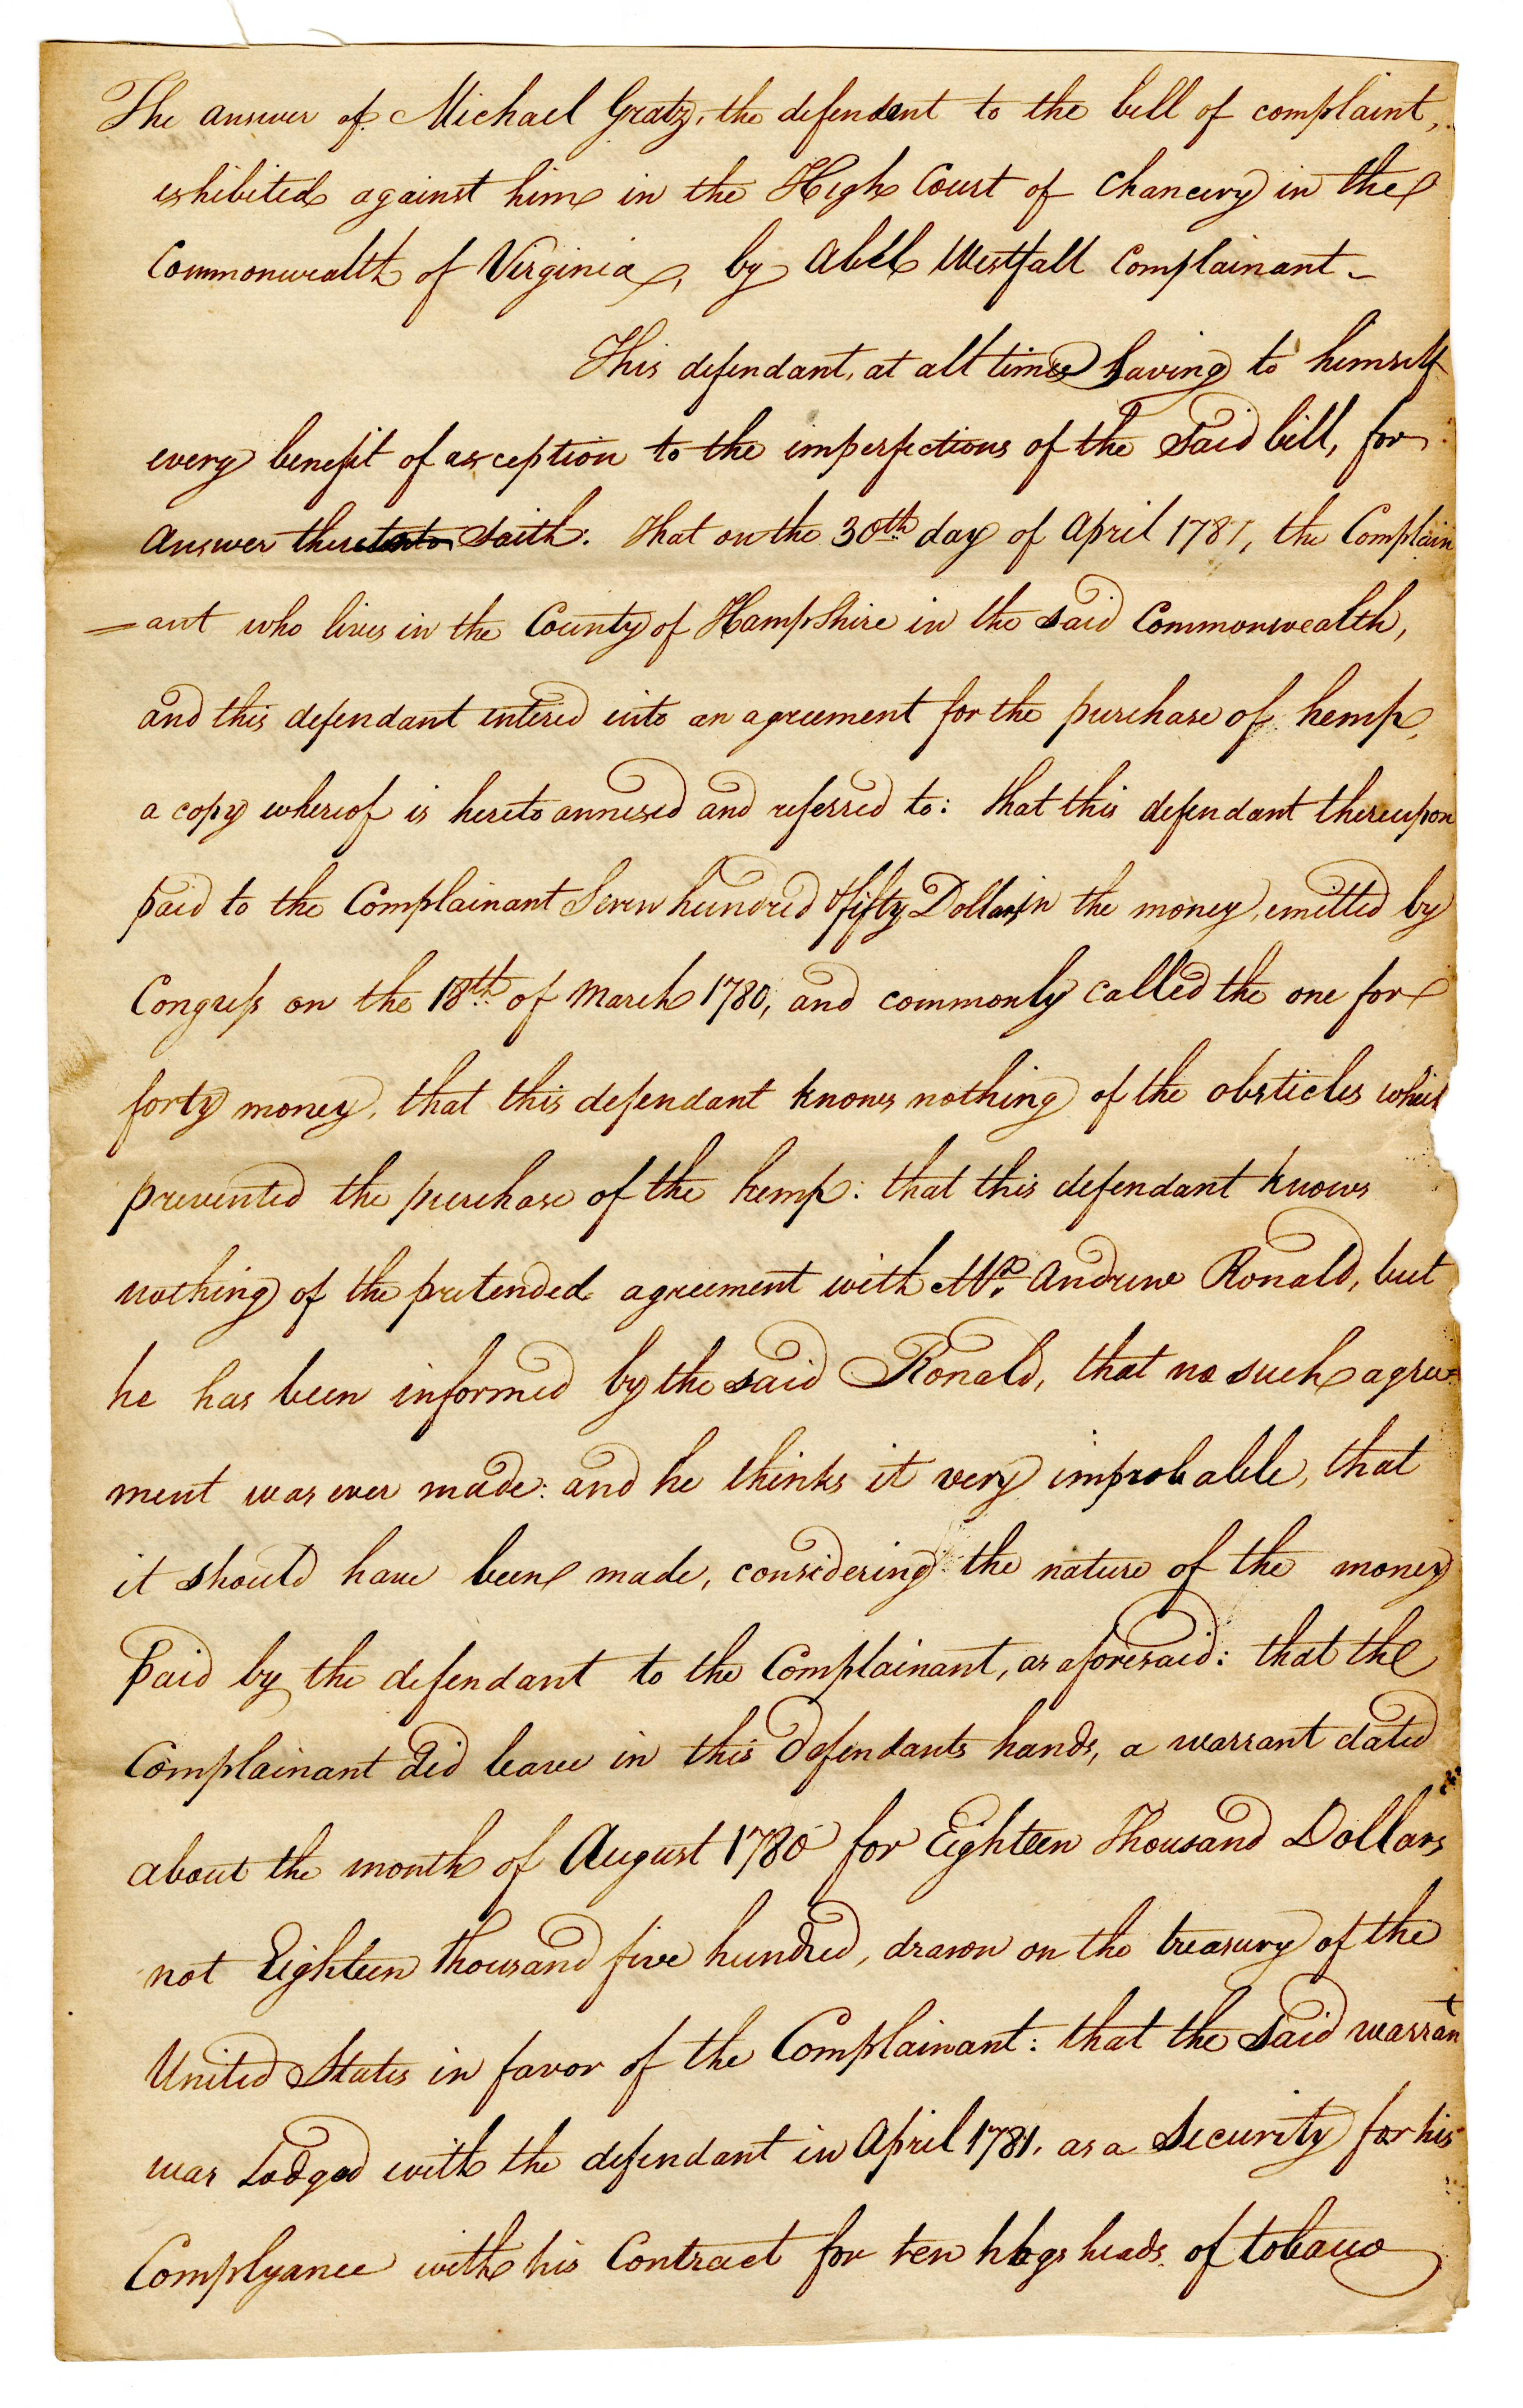The answer of Michael Gratz; the defendent to the bill of complaint
exhibited against him in the Highs Court of Chancery in the
Commonwealth of Virginia, by Abel Westfall Complainant-
This defendant at all time saving to himself
every benefit of exception to the imperfections of the said bill for
Answer this [state] saith. That on the 30^th day of April 1781, the Complain-
-ant who lives in the County of Hampshire in the said Commonwealth,
and this defendant entered into an agreement for the purchase of hemp,
a copy whereof is hereto annexed and referred to: that this defendant thereupon
paid to the Complainant Seven hundred & fifty Dollars in the money emitted by
Congress on the 18^th. of March 1780, and commonly called the one for
forty money, that this defendant knows nothing of the obstacles which
prevented the purchase of the hemp. that this defendant knows
nothing of the pretended agreement with M^r. Andrune Ronald, but
he has been informed by the said Ronald, that no such agree-
-ment was ever made. and he thinks it very improbable, that
it should have been made, considering the nature of the money
paid by the defendant to the Complainant, as aforesaid: that the
Complainant did leave in this defendants hands, a warrant dated
about the month of August 1780 for Eighteen Thousand Dollars
not Eighteen thousand five hundred, drawn on the treasury of the
United States in favor of the Complainant that the Said warran^t
was Lodged with the defendant in April 1781. as a security for his
Complyance with his Contract for ten hogheads of tobacco